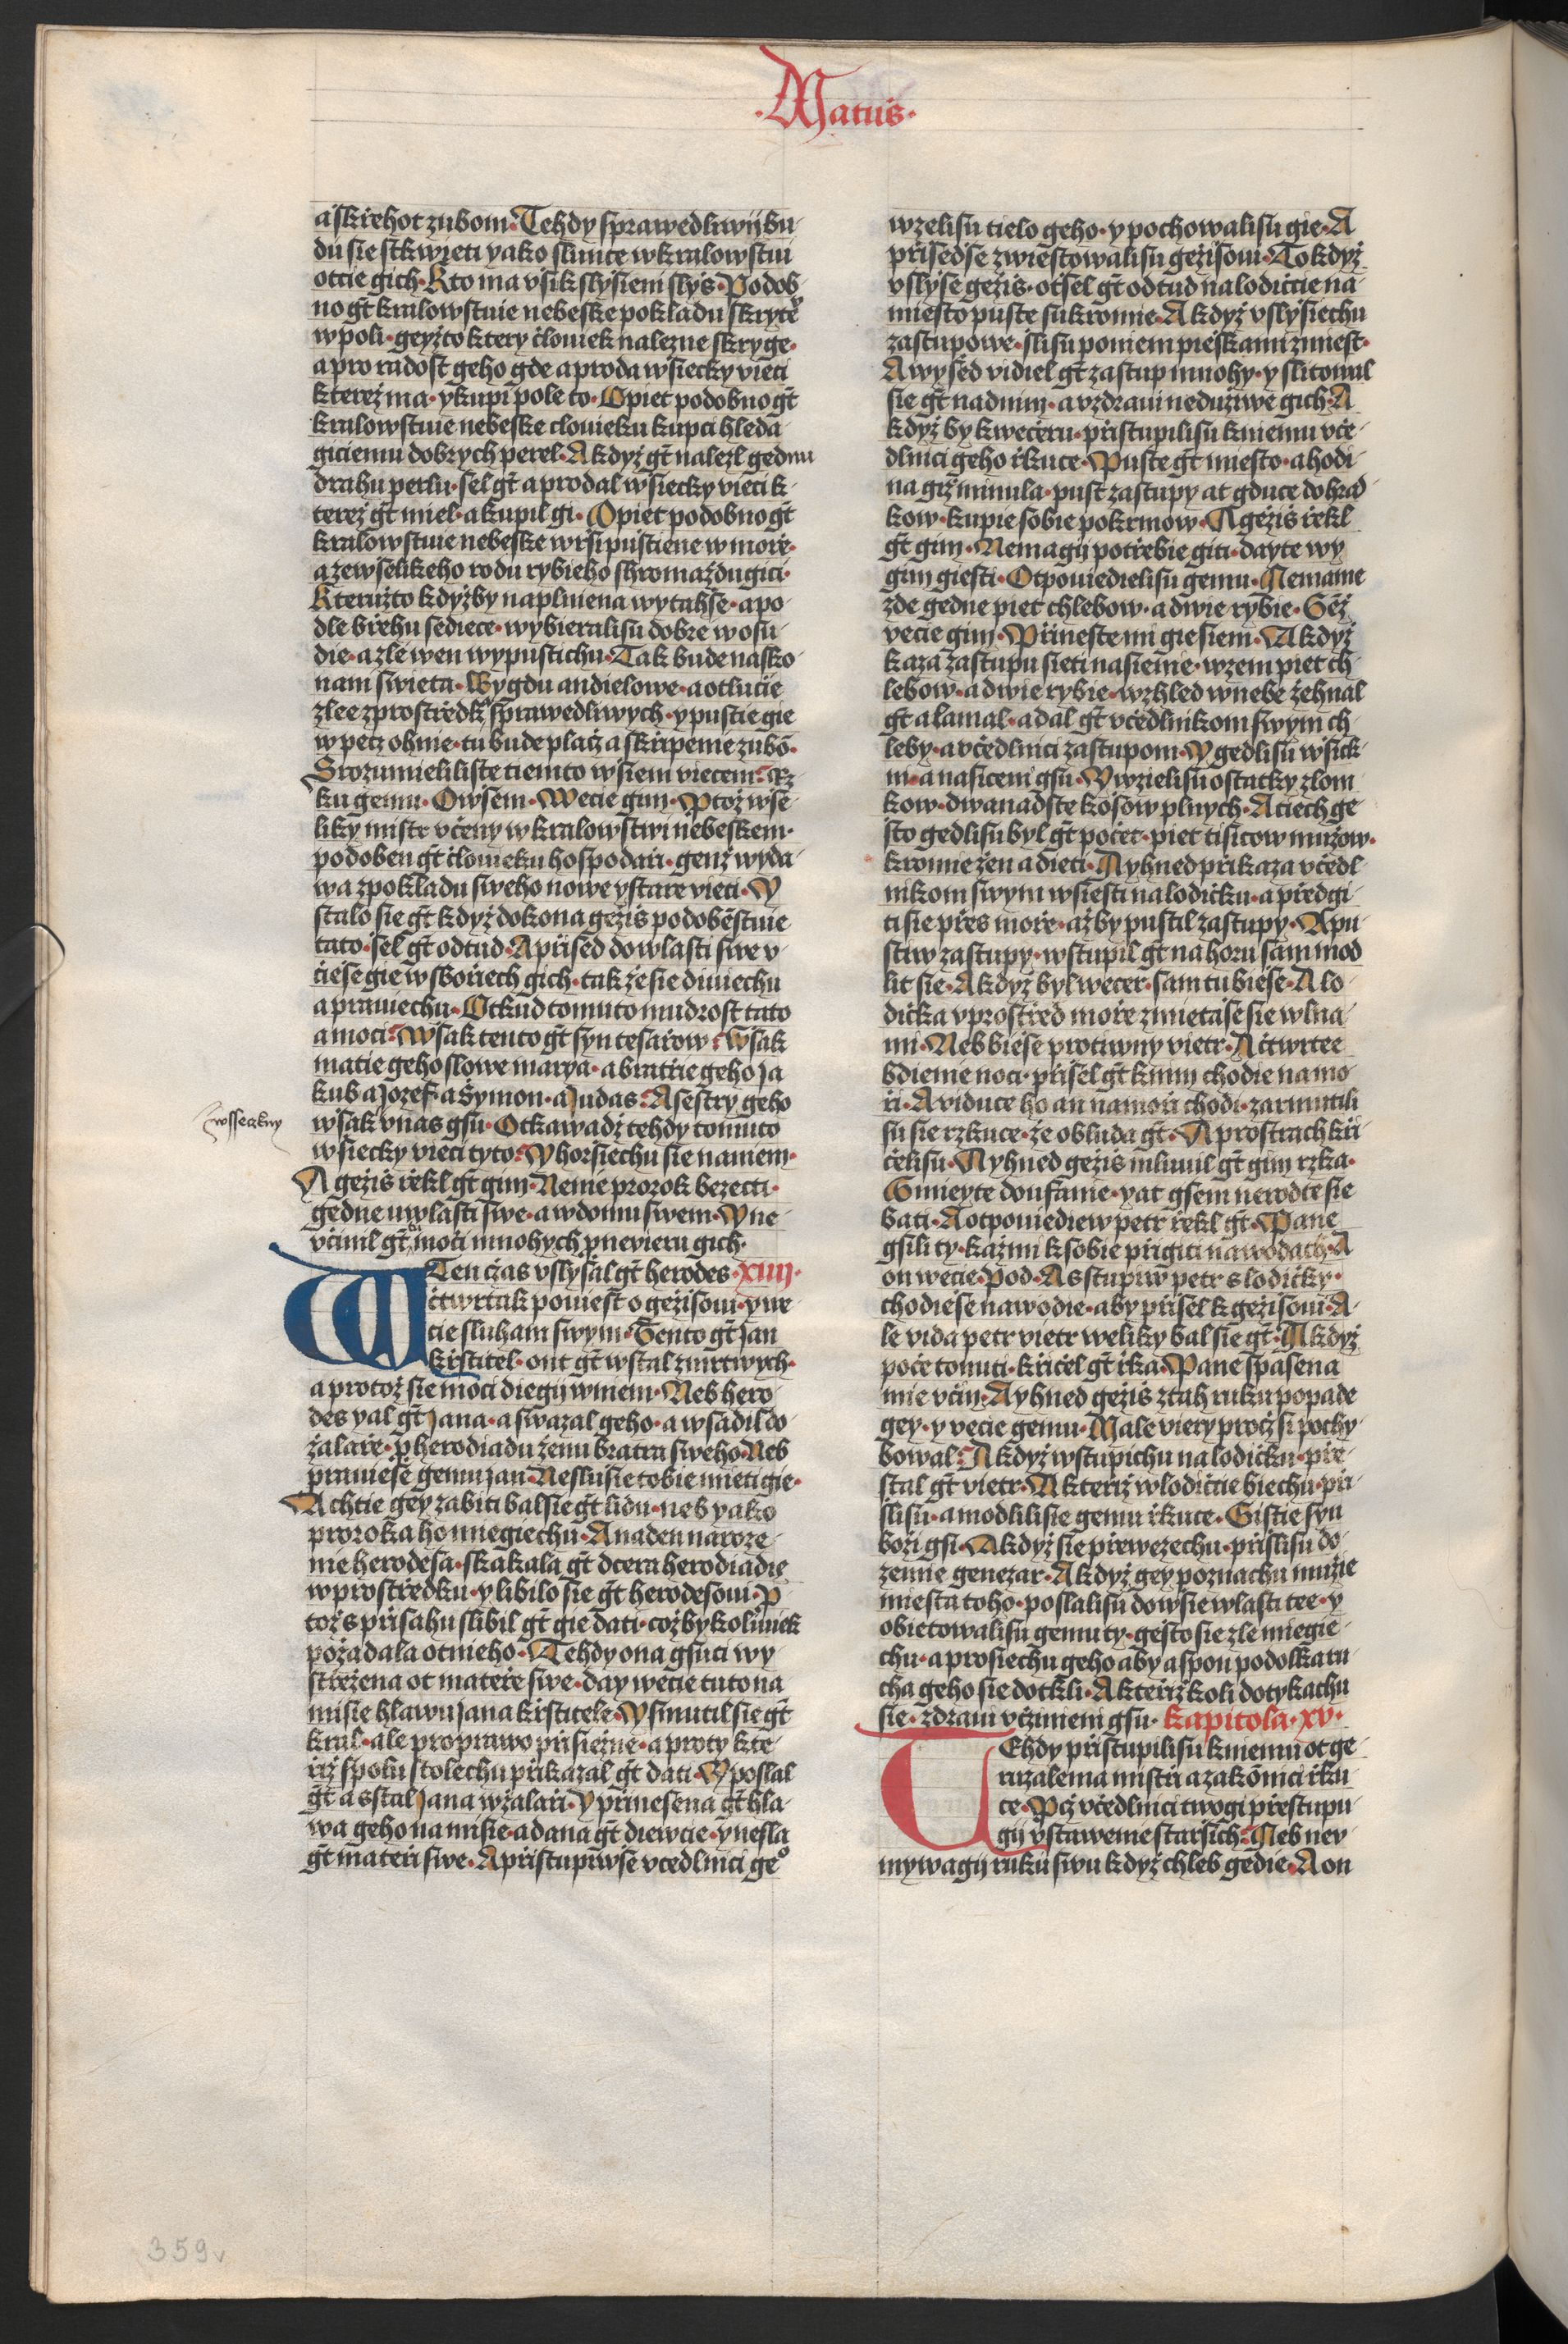.Matuṡ.
a ẛkṙehot zubom.Tehdy ſprawedliwij bu¬
dú ſie ſtkwíeti yako ſlunce wkralowſtuí
otcie gich.Kto ma vẛi kſlyẛieni ſlyṡ.Podob¬
no ḡt kralowſtuie nebeſke pokladu ſkrytev
wpoli.geyżto ktery ċlowiek nalezne ſkryge.
a pro radoſt geho gde a proda wẛiecky vieci
ktereż ma.ykupí pole to.Opiet podobno ḡt
kralowſtuie nebeſke clouieku kupci hleda¬
gicíemu dobrych perel.A kdyż ḡt nalezl gednu
drahu petlu.ſel ḡt a prodal wẛiecky viecí k¬
tereż ḡt miel.a kupil gi.Opiet podobno ḡt
kralowſtuíe nebeſke wrẛi puẛtiene w moṙe.
a zewẛelikeho rodu rybieho ſhromażdugící.
Kterużto kdyżby naplniena wytahẛe.a po¬
dle bṙehu ſedíece.wybierali ſu dobré w oſu¬
die.a zlé wen wypuſtichu.Tak bude naſko¬
naní ſwieta.Wygdu andielowe.a otluċíe
zlee zproſtṙedka ſprawedliwych.y puſtie gie¬
w pecz ohnie.tu bude placż a ſkṙipenie zubō.
Srozumielili ſte tiemto wẛiem viecem?Rz¬
ku gemu.Owẛem.Wecie gim.Ꝓtoż wẛe¬
liky míſtr vċeny w kralowſtwí nebeſkem.
podoben ḡt ċlouieku hoſpodaṙi.genż wyda¬
wa zpokladu ſweho nowe yſtare vieci.Y
ſtalo ſie ḡt když dokona geżíš podobēſtuíe
tato ẛel ḡt odtud.A pṙiẛed dowlaſti ſwe v¬
ċieẛe gie w ſboṙiech gich.tak że ſie diuiechu
a prauíechu.Otkud tomuto mudroſt tato
a moci?Wẛak tento ḡt ſyn teſaṙow?Wẛak
matie geho ſlowe marya.a bratṙie geho Ia¬
kub a Iozef.a ṡymon.a Iudas?Aſeſtry geho
wẛak vnas gſu.Otkawadż tehdy tomuto
wẛiecky vieci tyto?Yhorẛíechu ſie naniem.
A geżiṡ ṙekl ḡt gim.Neníe prorok bezecti.
gedne uwlaſti ſwe.a wdomu ſwem.Y ne¬
uċinil ḡt tú moċí mnohych ꝓnevieru gich.
Ten cżas uſlyſal ḡt herodes.xiiij¬
ċtwrtak pouieſt o geżiẛowi.y we¬
cie ſluham ſwym.Tento ḡt Ian
kṙſtitel.ont ḡt wſtal zmrtwych.
a protoż ſie moci diegij wnem.Neb hero¬
des yal ḡt Iana.a ſwazal geho.a wſadil do¬
żalaṙe.Ꝓherodiadu żenu bratra ſweho.Neb
prauieẛe gemu Jan.Neſluẛie tobie mieti gíe
A chtie gey zabiti bal ſie ḡt lidu.neb yako
proroka ho miegíechu.A naden naroze¬
níe herodeſa.ſkakala ḡt dcera herodiadie
wproſtṙedku.y libilo ſie ḡt herodeſoui.Ꝓ¬
toż s pṙiſahu ſlibil ḡt gie dati.coż by koliuiek
pożadala ot nieho.Tehdy ona gſuci wy¬
ſtṙeżena ot mateṙe ſwe.day wecie tuto na¬
miẛie hlawu Jana kṙſtitele.Y ſmutil ſe ḡt
kral.ale proprawo pṙiſíeżne.a proty kte¬
ṙiż ſpolu ſtolechu pṙikazal ḡt dati.Ypoſlal¬
ḡt a sſtal Iana wżalaṙi.Y pṙineſena ḡt hla¬
wa geho namíſie.a dana ḡt diewcie.y neſla
ḡt mateṙi ſwe.A pṙiſtupiwẛe vċedlníci geo
wzeliſu tielo geho.y pochowaliſu gie.A
pṙiẛedẛe zwieſtowali ſu geżiẛoui.To kdyż
vſlyẛe geżiṡ.otẛel ḡt odtud nalodiċcie na
míeſto puſte ſukromie.A kdyż vſlyẛiechu
zaſtupowe.ẛli ſu poniem pieẛkami zmieſt.
A wyẛed vidiel ḡt zaſtup mnohy.y ſlitowal
ſie ḡt nad ním.a vzdraui nedużiwe gich.A
když by kweċeru.pṙiſtupili ſu k niemu vċe¬
dlnici geho ṙkuce.Puſte ḡt mieſto.a hodi¬
na giz minula.puſt zaſtupy at gduce do hrad¬
kow.kupíe ſobie pokrmow.Ageżíṡ ṙekl
ḡt gim.Nemagij potṙebie gíti.dayte wy¬
gim gíeſti.Otpouiedieliſu gemu.Nemame
zde gedne piet chlebow.a dwie rybie.Gēż
vecie gim.Pṙineſte mi gie ſiem.A kdyż
kaza zaſtupu ſieti naſieme.wzem piet ch¬
lebow.a dwie rybie.wzhled wnebe żehnal
ḡt a lamal.a dal ḡt vċedlníkom ſwym ch¬
leby.a vċedlníci zaſtupom.Y gedli ſu wẛick¬
ni.a naſiceni gſu.Y wzieli ſu oſtatky zlom¬
kow.dwanadſte koẛow plnych.A tiech ge¬
ẛto gedliſu byl ḡt poċet.piet tiſicow mużow.
kromie żen a dieti.A yhned pṙikaza vċedl¬
nikom ſwym wſieſti na lodiċku.a pṙedgi¬
ti ſie přes moṙe.aż by puſtil zaſtupy.Apu¬
ſtiw zaſtupy.wſtupil ḡt na horu ſam mod¬
lit ſie.Akdyž byl wecer.ſam tu bieẛe.A lo¬
diċka vproſtṙed moṙe zmíetaẛe ſie wlna¬
mi.Neb bíeẛe protiwny vietr.A ċtwrtee
bdienie noci.pṙiẛel ḡt knim chodie namo¬
ṙi.A viduce ho an namoṙi chodi.zarmutili
ſu ſie rzkuce.że obluda ḡt.A proſtrach kṙi¬
ċeli ſu.A yhned geżiṡ mluuil ḡt gim rzka.
Gmieyte doufaníe.yat gſem nerodte ſie
bati.A otpouiediew petr ṙekl ḡt.Pane
gſili ty.każmi kſobie pṙigiti nawodach.A
on wecie.Pod.A sſtupiw petr slodiċky.
chodieẛe nawodie.aby pṙiẛel k geżiẛoui.A¬
le vida petr vietr weliky bal ſie ḡt.A kdyż
poċe tonuti.kṙiċel ḡt ṙka.Pane ſpaſena
míe vċin.Ay hned geżiṡ ztah ruku popade¬
gey.y vecie gemu.Male víery procż ſi pochy¬
bowal?A kdyż wſtupichu nalodiċku.pṙe¬
ſtal ḡt vietr.A kteṙiż wlodiċcie bíechu.pṙi¬
ẛli ſu.a modlili ſie gemu ṙkuce.Giſtie ſyn
bożi gſi.A kdyż ſie pṙewezechu.pṙiſli ſu do¬
zemie genezar.Akdyż gey poznachu mużie
mieſta toho.poſlaliſu do wẛie wlaſti tee.y
obietowaliſu gemu ty.geẛto ſie zle miegíe¬
chu.a proſiechu geho aby aſpon podolkaru¬
cha geho ſie dotkli.A kteṙíż koli dotykachu
ſie.zdraui ucżinieni gſu.kapitola.xv.
Ehdy pṙiſtupili ſu kniemu ot ge¬
ruzalema miſtṙi a zakōnici ṙku¬
ce.Ꝓcż vċedlnici twogi pṙeſtupu¬
gíj vſtaweníe ſtarẛích?Neb nev¬
mywagij ruku ſwu kdyż chleb gedíe.A on¬